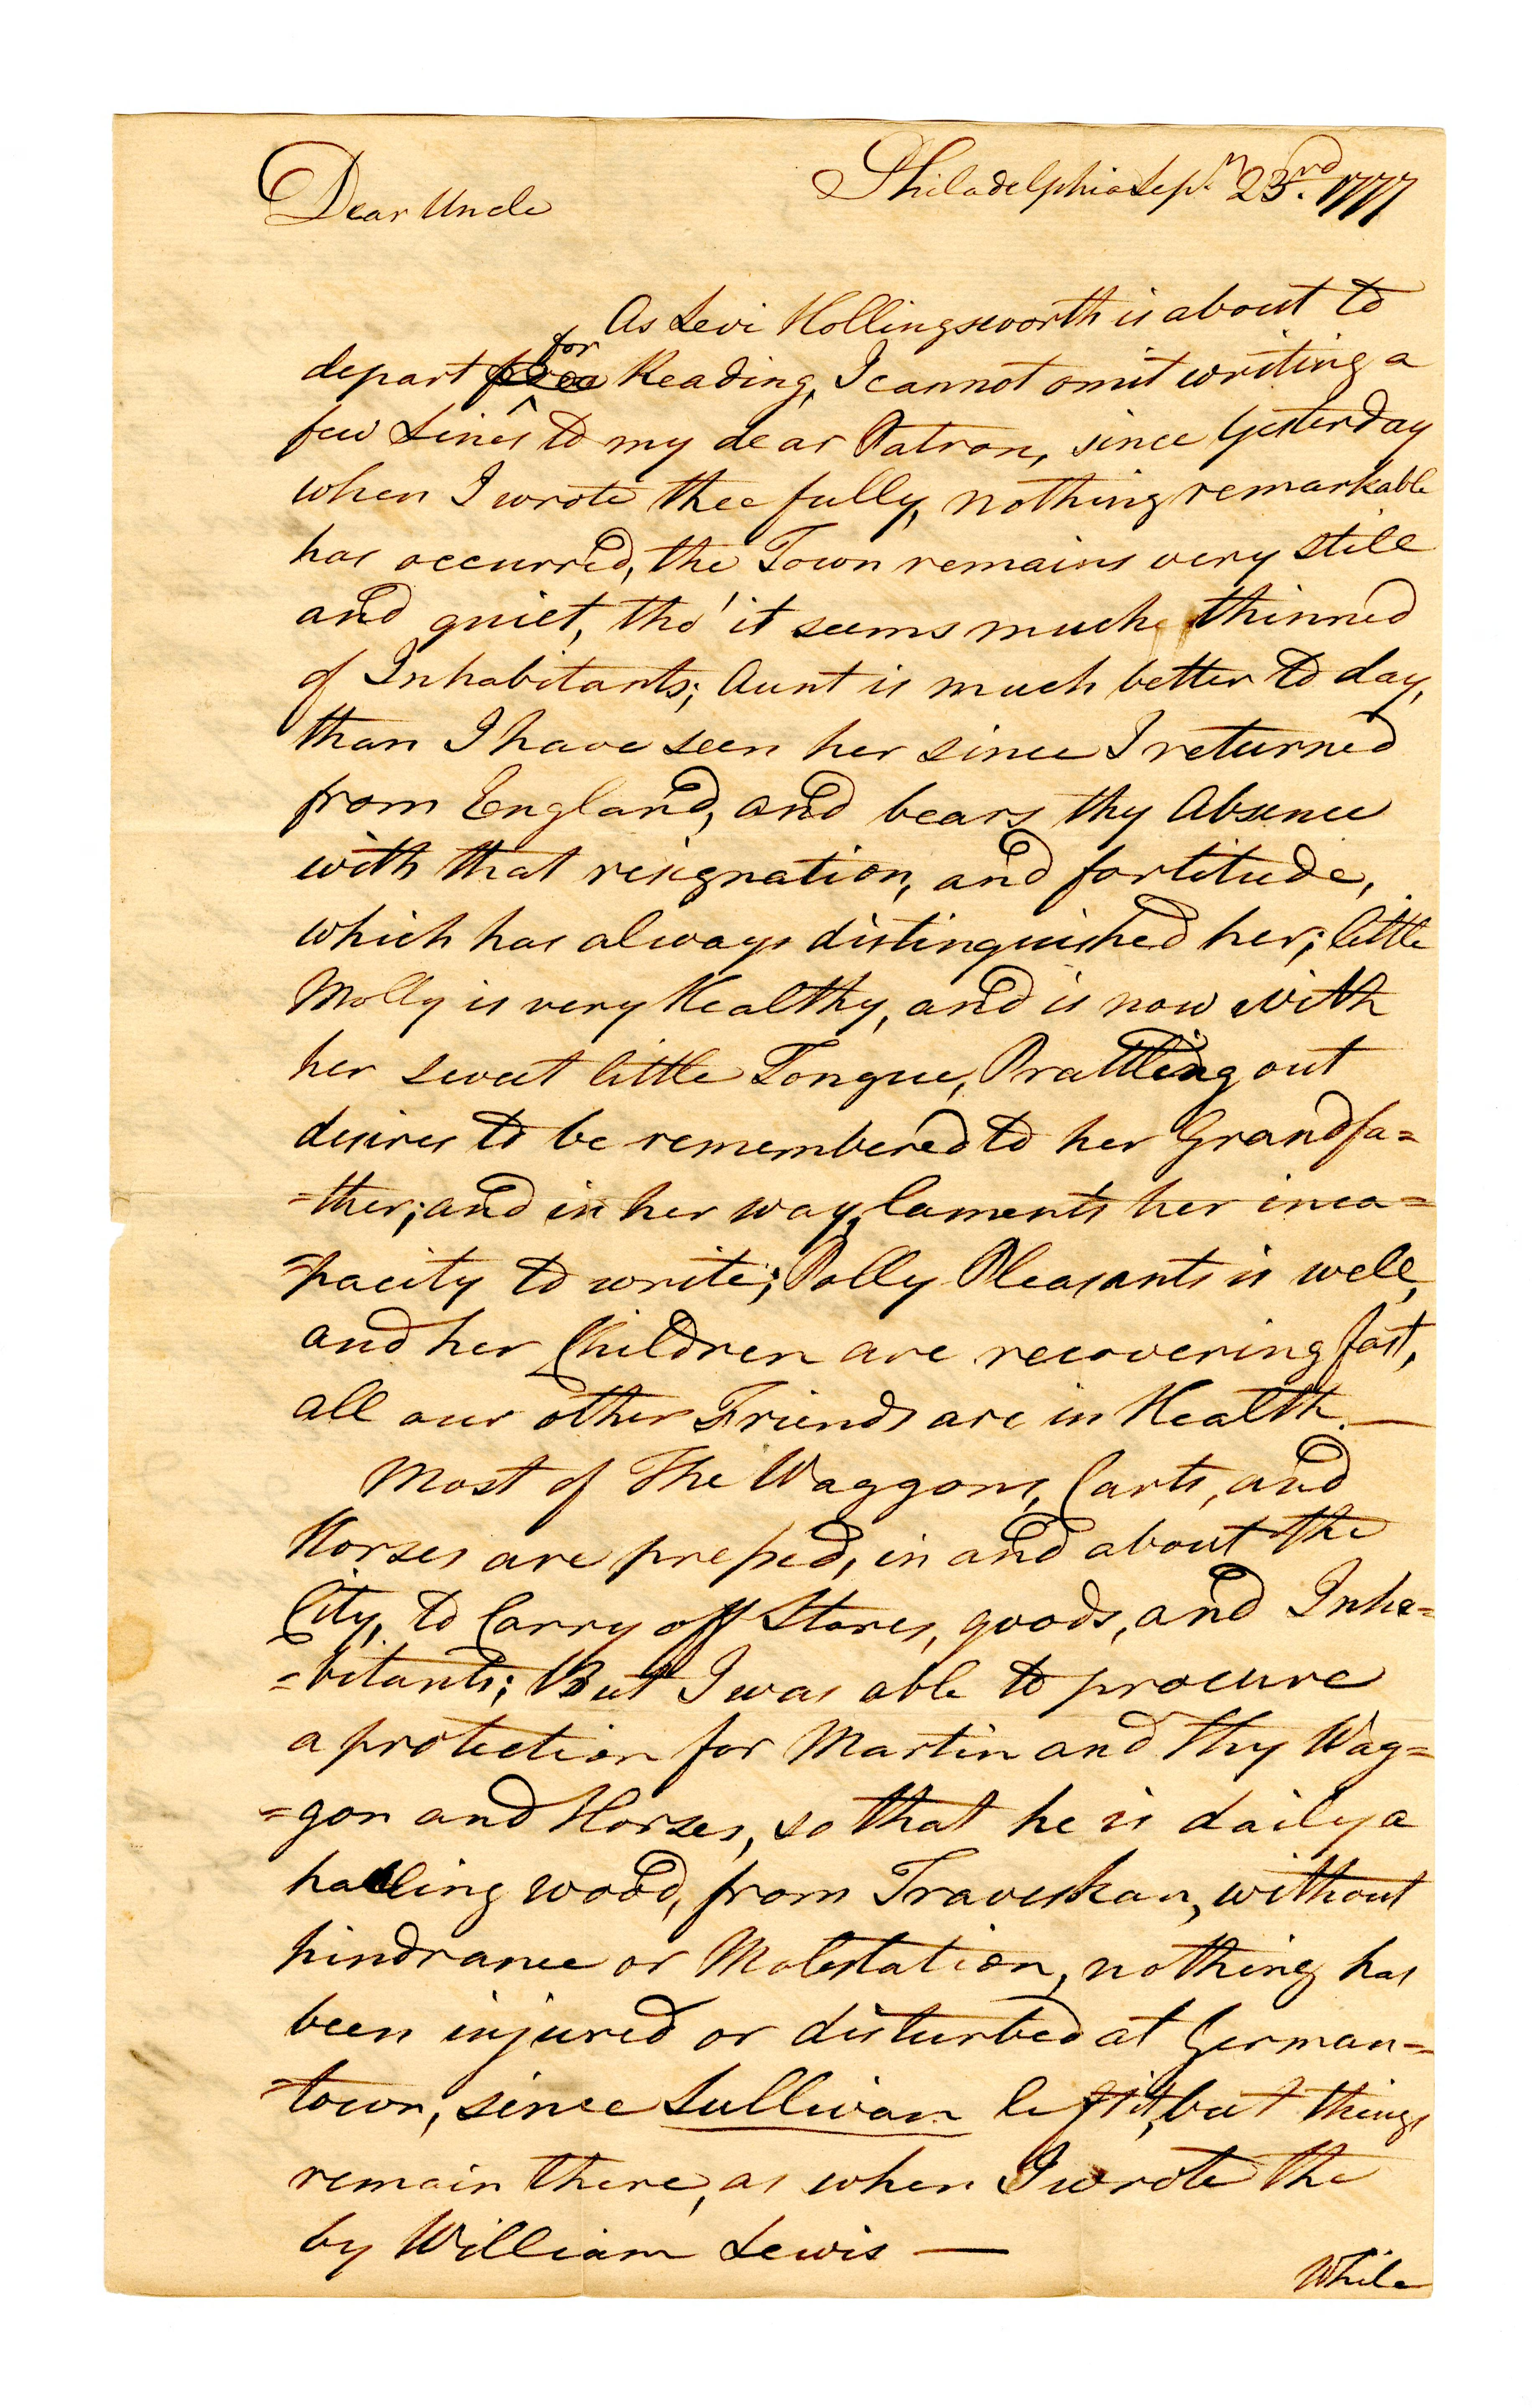Philadelphia Sep^r. 23^rd. 1777
Dear Uncle
As Levi Hollingsworth is about to
depart for Reading, I cannot omit writing a
few Lines to my dear Patron, since yesterday
when I wrote thee fully, nothing remarkable
has occurred, the Town remains very still
and quiet, tho' it seems much thinned
of Inhabitants; Aunt is much better to day,
than I have seen her since I returned
from England, and bears thy Absence
with that resignation, and fortitude,
which has always distinguished her; little
Molly is very Healthy, and is now with
her sweet little Tongue Prattling out
desires to be remembered to her Grandfa-
-ther; and in her way laments her inca-
-pacity to write; Polly Pleasants is well,
and her Children are recovering fast,
all our other Friends are in Health.-
Most of The Waggons, Carts and
Horses are pressed, in and about the
City, to Carry off Stores, goods, and Inha-
-bitants; But I was able to procure
a protection for Martin and thy Wag-
-gon and Horses, so that he is daily a
hauling wood, from Traveskan, without
hindrance or Molestation, nothing has
been injured or disturbed at German-
-town, since Sullivan left it, but things
remain there, as when I wrote the
by William Lewis-
While